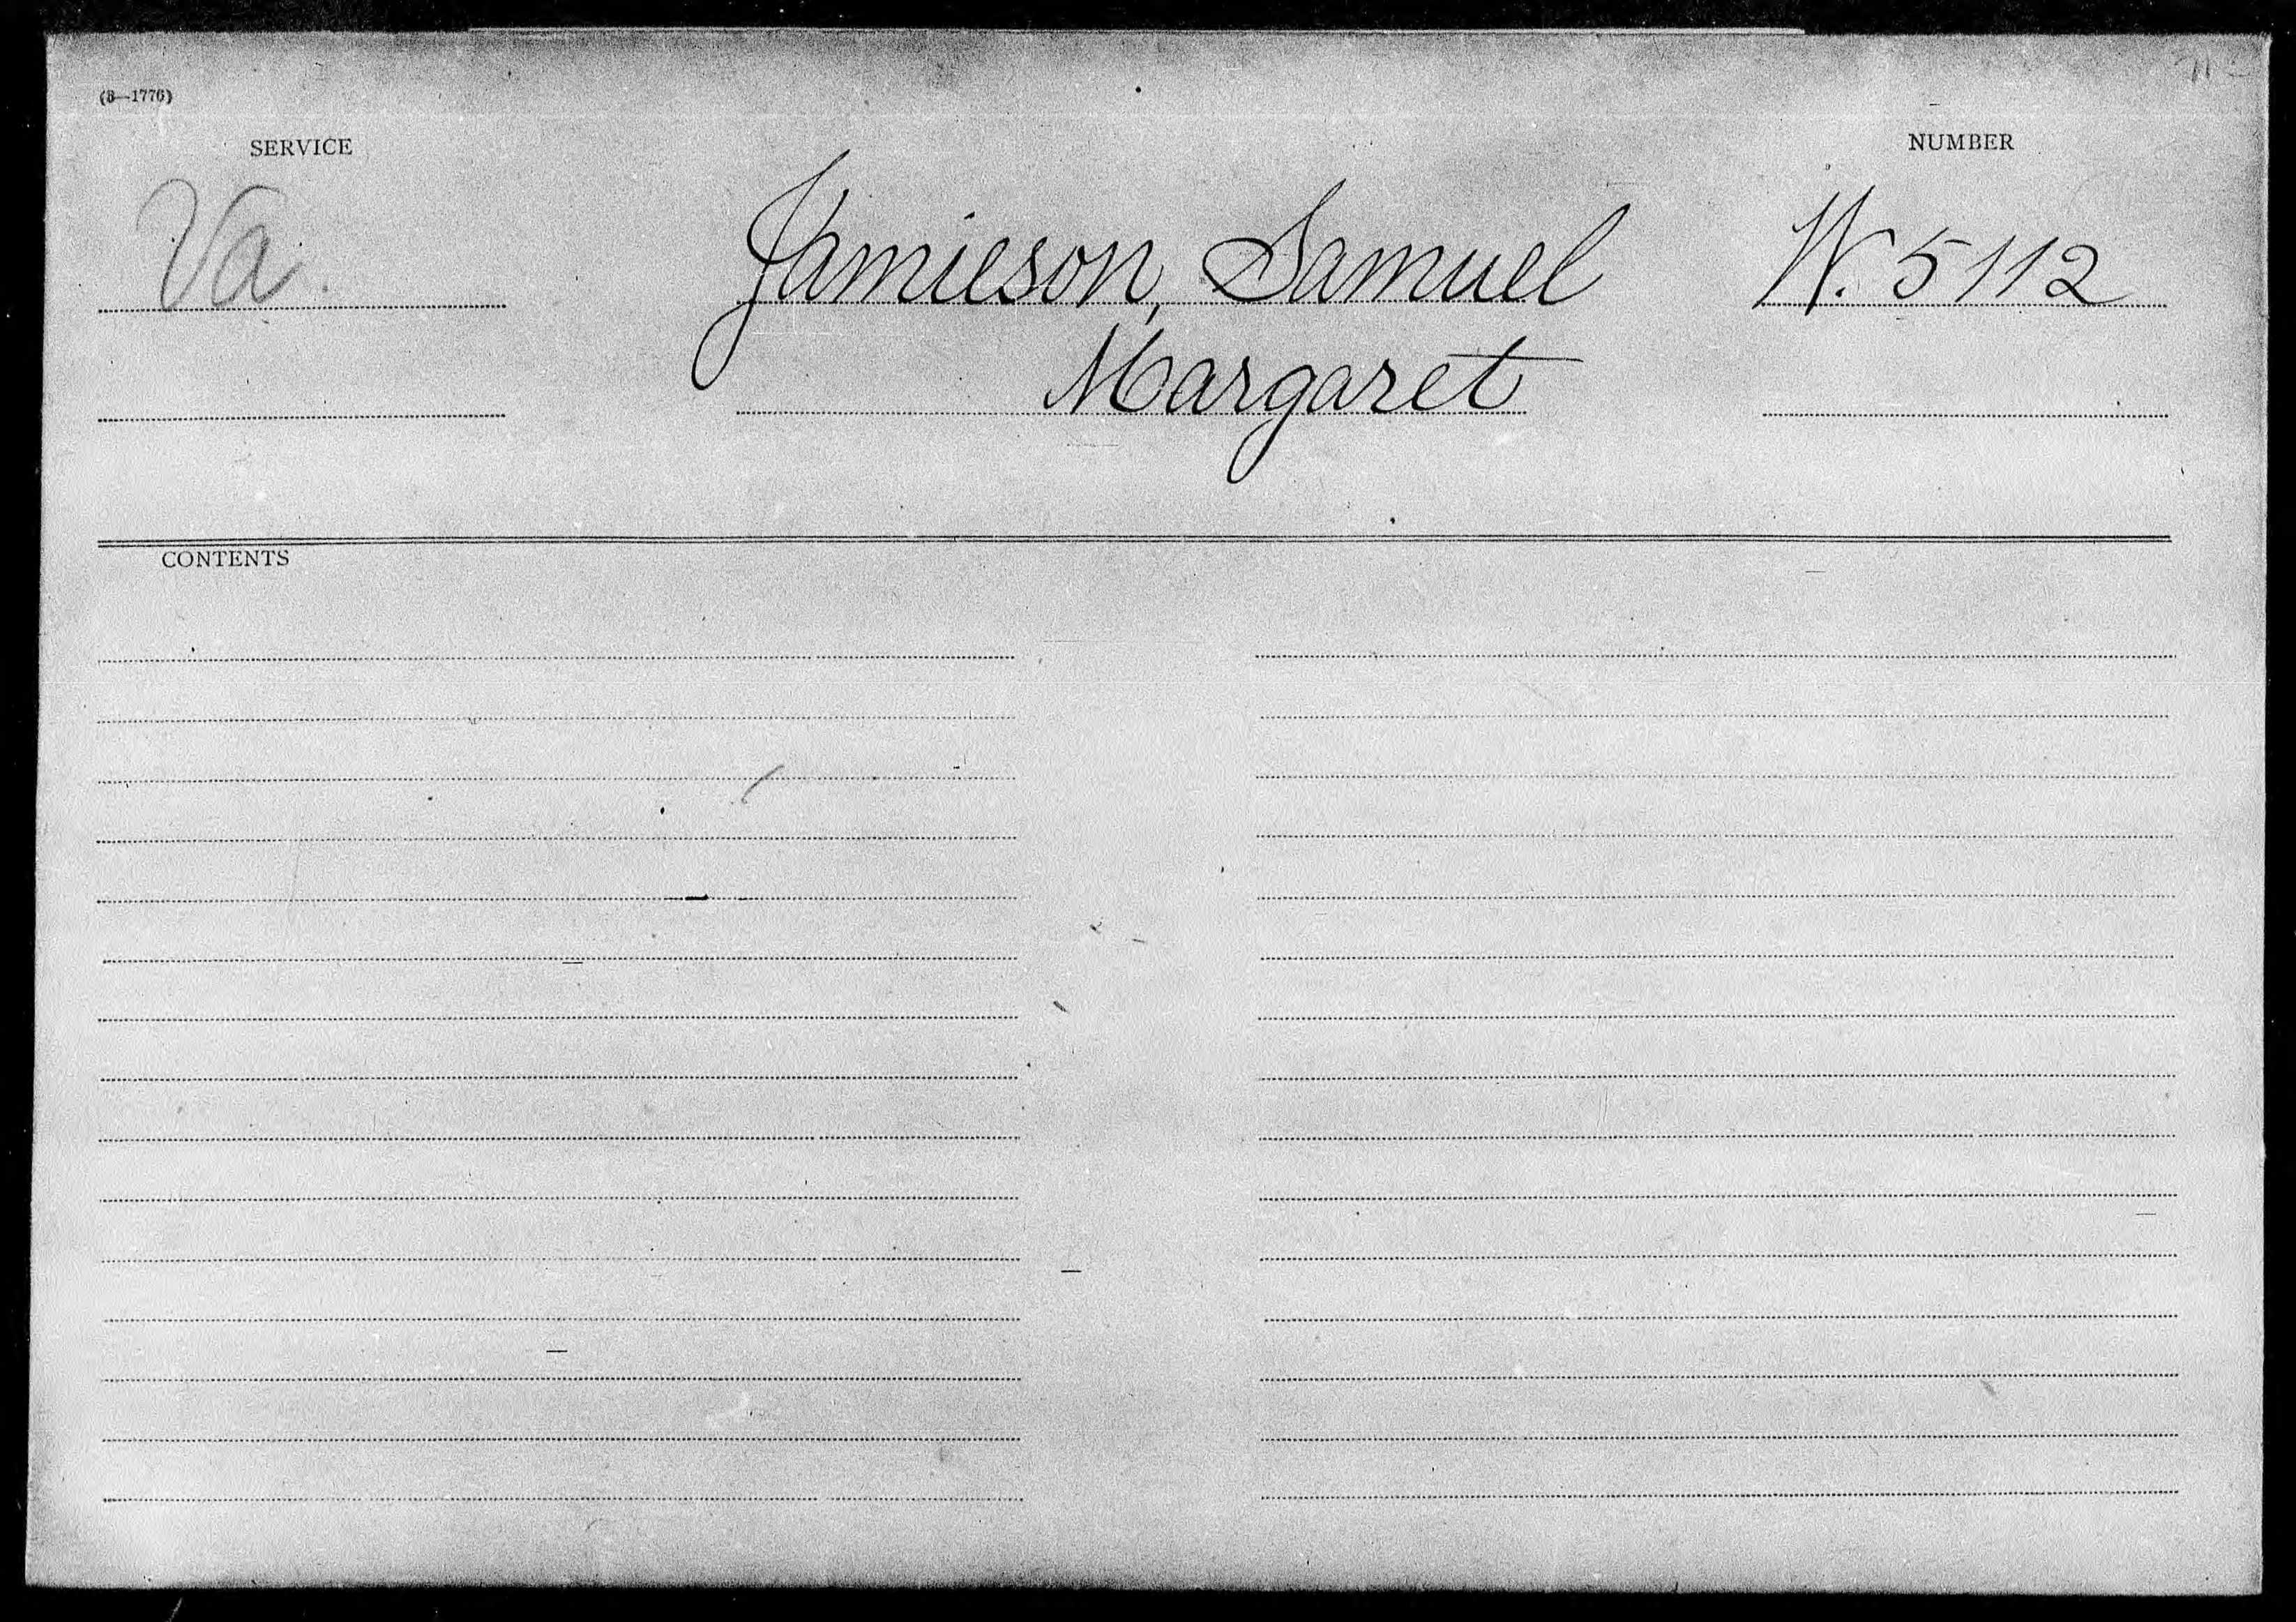(3-1776)
SERVICE                                           NUMBER
Va.          Jamieson, Samuel                  W.5112
                               Margaret

CONTENTS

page: 1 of 28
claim: widow's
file: W. 5112, for Samuel Jamieson, Virginia